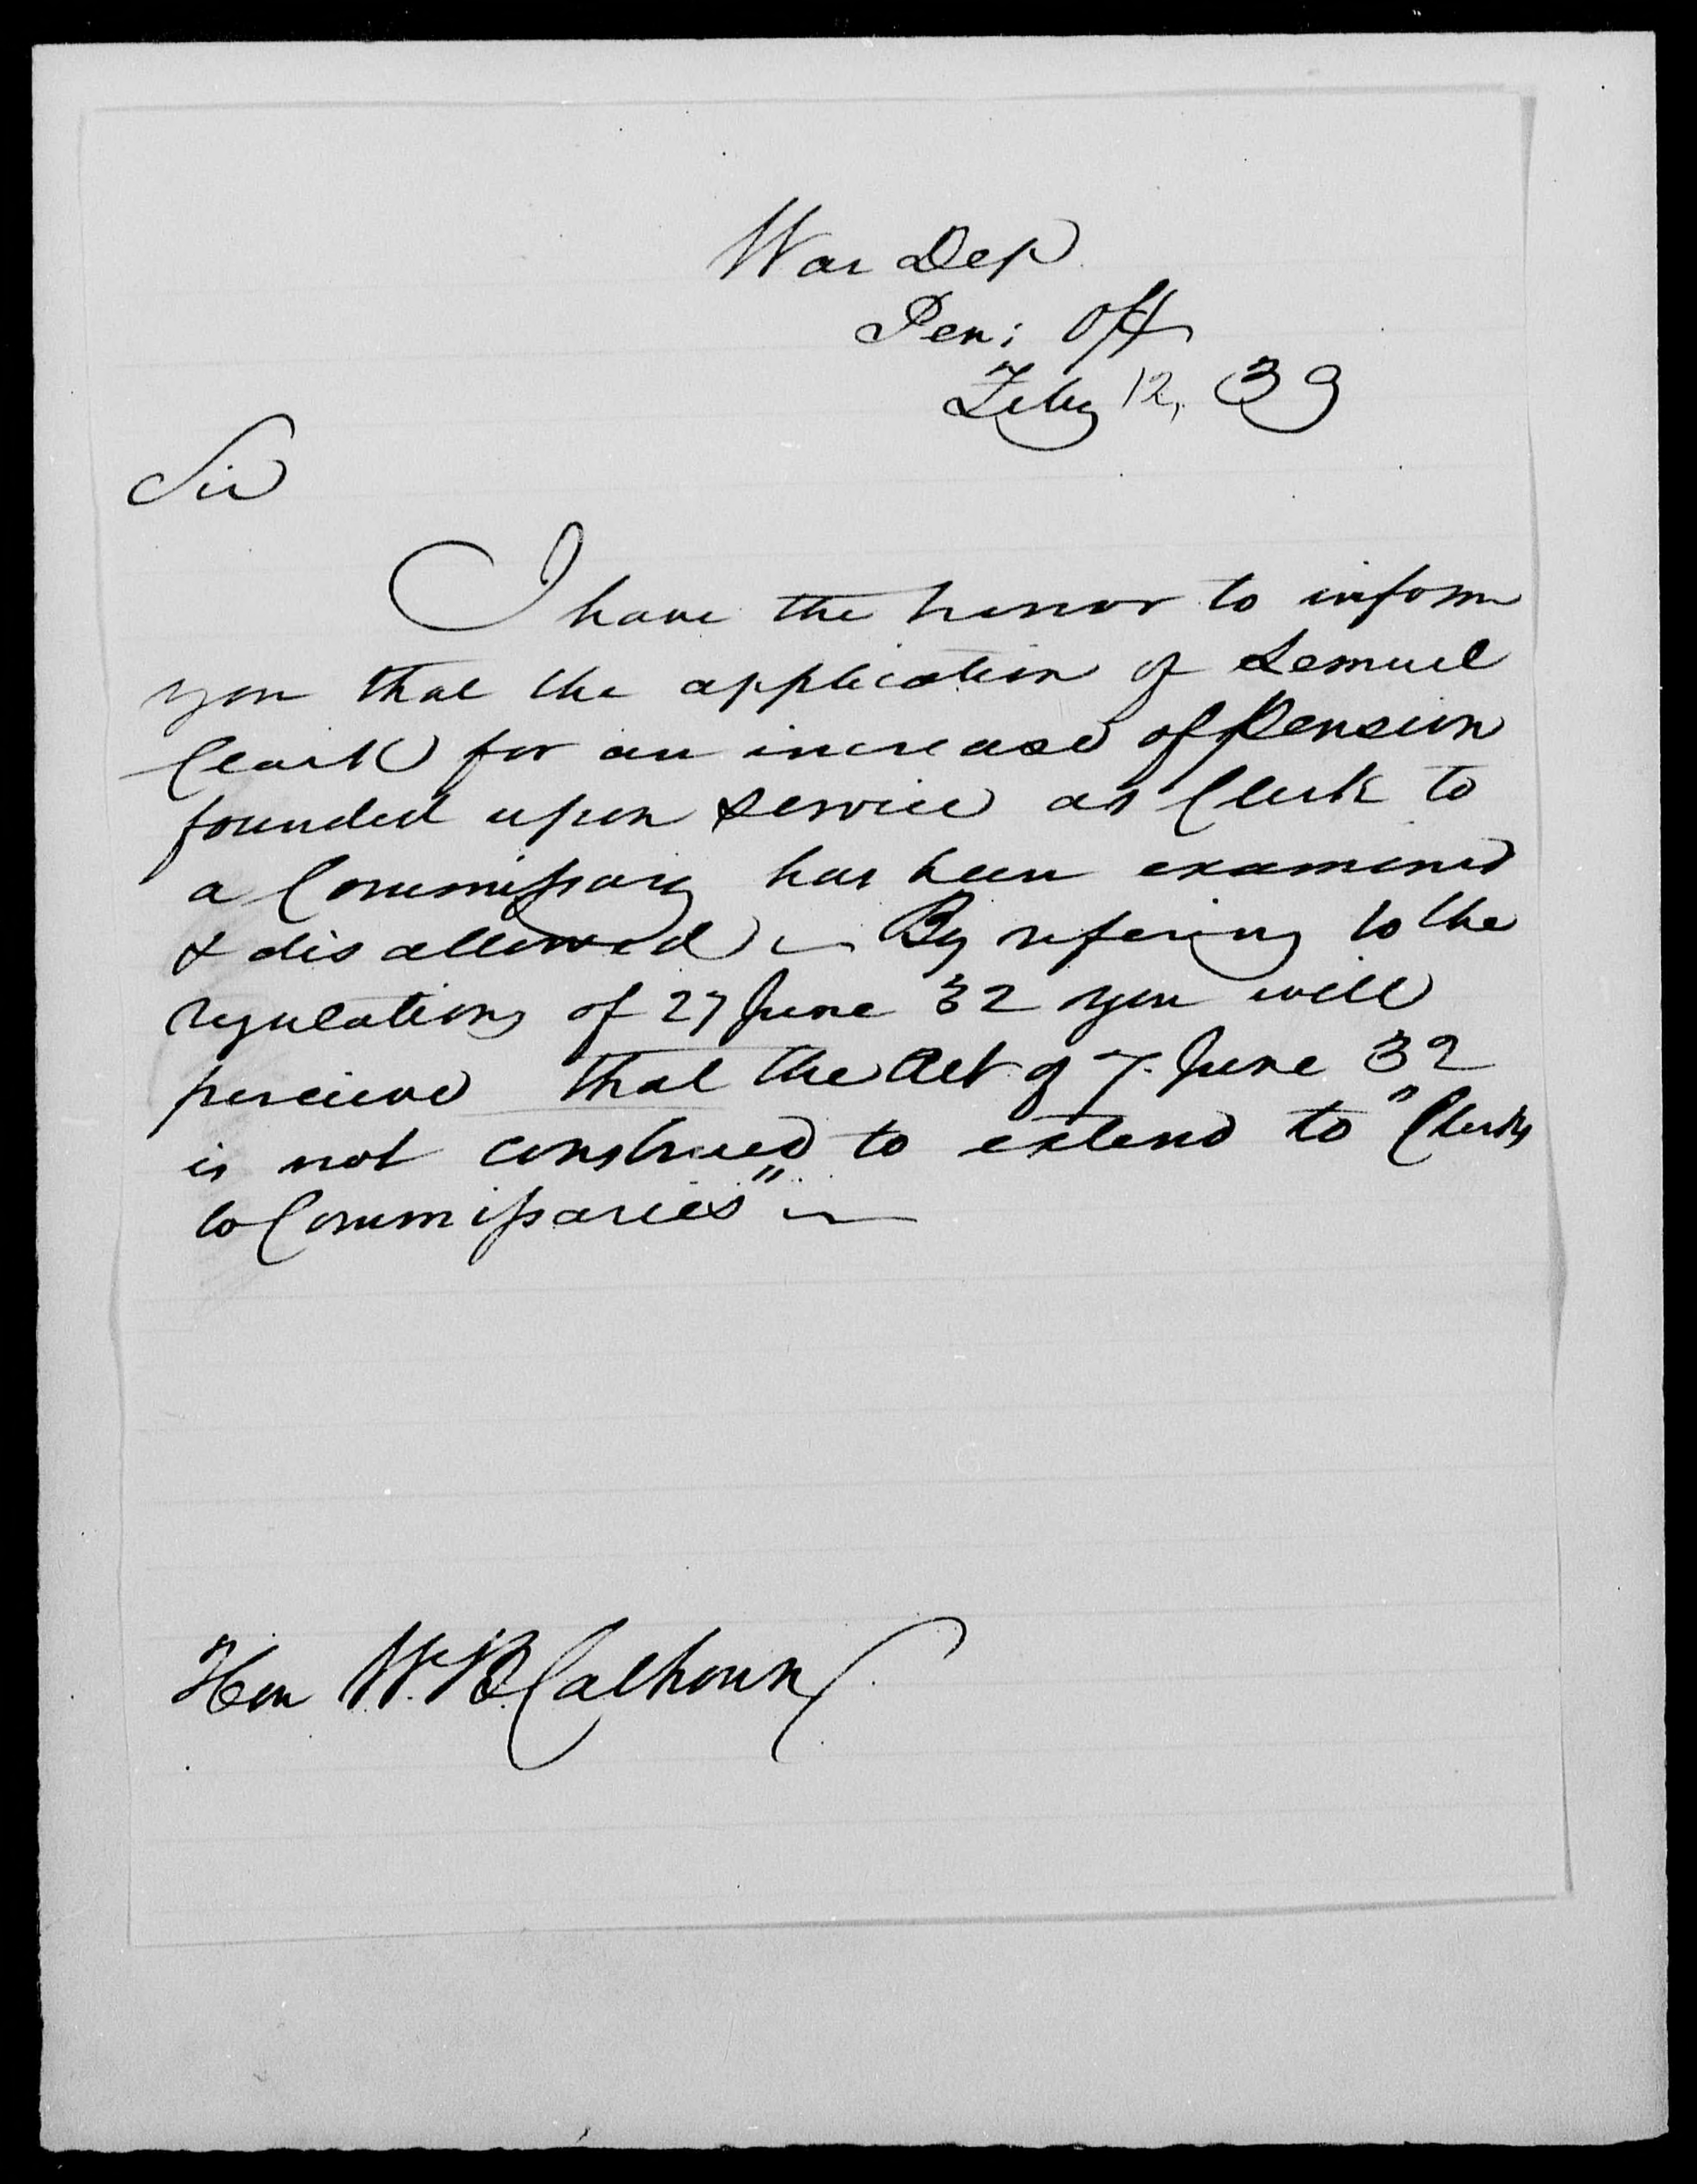War Dep 
Pen off 
Feby 12, 33 

Sir 
I have the honor to inform you that the application of Lemuel Clark for an increase of Pension founded upon service as Clerk to a Commissary has been examined & disallowed. By refering to the regulations of 27 June 32 you will percieve is not construed to extend to Clerk to Commissaries - Hon W. B. Calhoun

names: W B Calhoun, Lemuel Clark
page: 17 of 48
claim: survivor's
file: S. 17343, Lemuel Clarke, Mass.